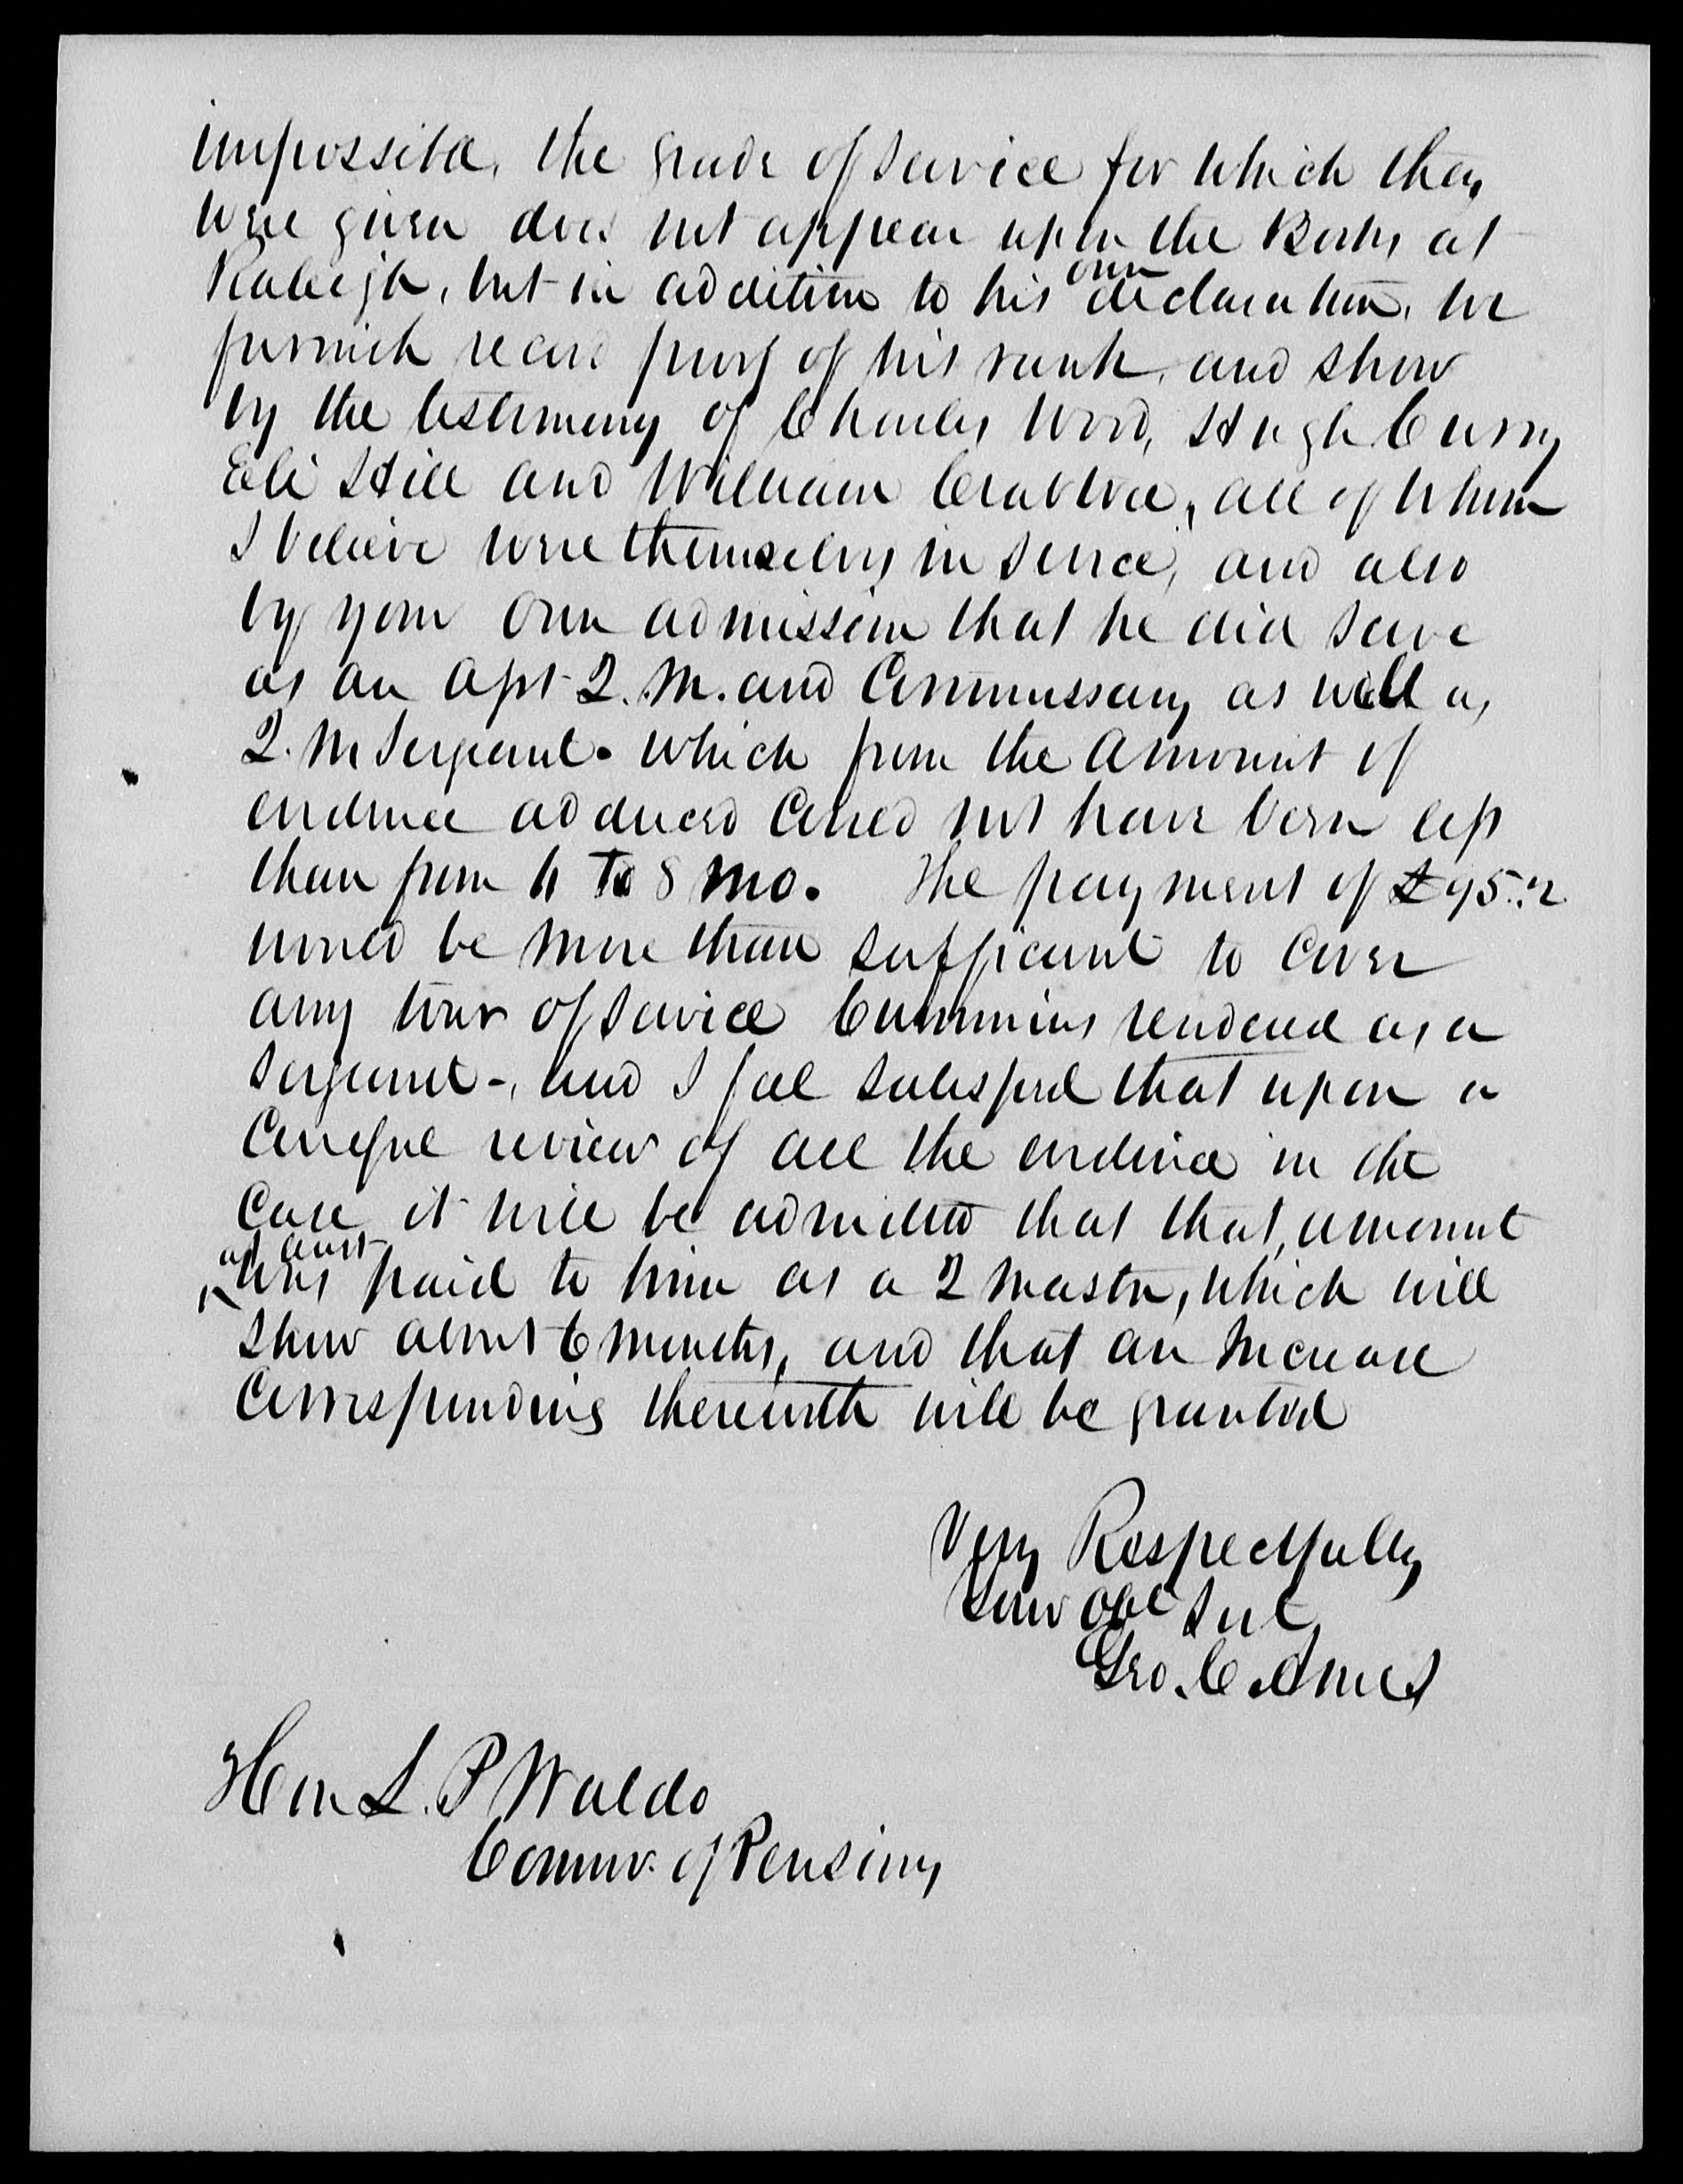[Third final page of 3-page letter. Occasional additional spacing has been included to make the long text block easier to read.]

impossible, the grade of Service for which they were given does not appear upon the Books at Raleigh, but - in addition to his ^ own declaration, We furnish record proof of his rank, and show by the testimony of Charles Wood, Hugh Curry[,] Eli Hill[,] and William Crabtree, all of Whom I believe were themselves in service, and also by your Own Admission that he did serve as an Asst Q.M. [Assistant Quarter Master] and Commissary as well as Q. M [Quarter Master] Sergeant. which from the Amount of evidence [?] adduced Could not have been less than from 4 [or 6] To 8 Mo [Months].

The payment of [monetary pound sign] 95.2 would be More than Sufficient to Cover any tour of Service Cummins [here the following word is underlined] rendered as a Serjeant [Sergeant] -, and I feel Satisfied that upon a Careful review of All the evidence in the case it will be admitted that that, amount] ^at least was paid to him as a Q [Quarter] Master, which will Show [?] about [or ? almost] 6 months, and that an Increase Corresponding therewith will be granted

Very Respectfully
Your Obt Sert [Your Obedient Servant], 
Geo. C. Ames

Hon L. P [or S. P] Waldo
Commr. [Commissioner] of Pensions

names: L P Waldo, Charles Wood, Hugh Curry, William Crabtree, Geo C Ames, Eli Hill, Cummins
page: 77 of 145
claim: survivor's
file: S. 8265, William Cumming, N.C.